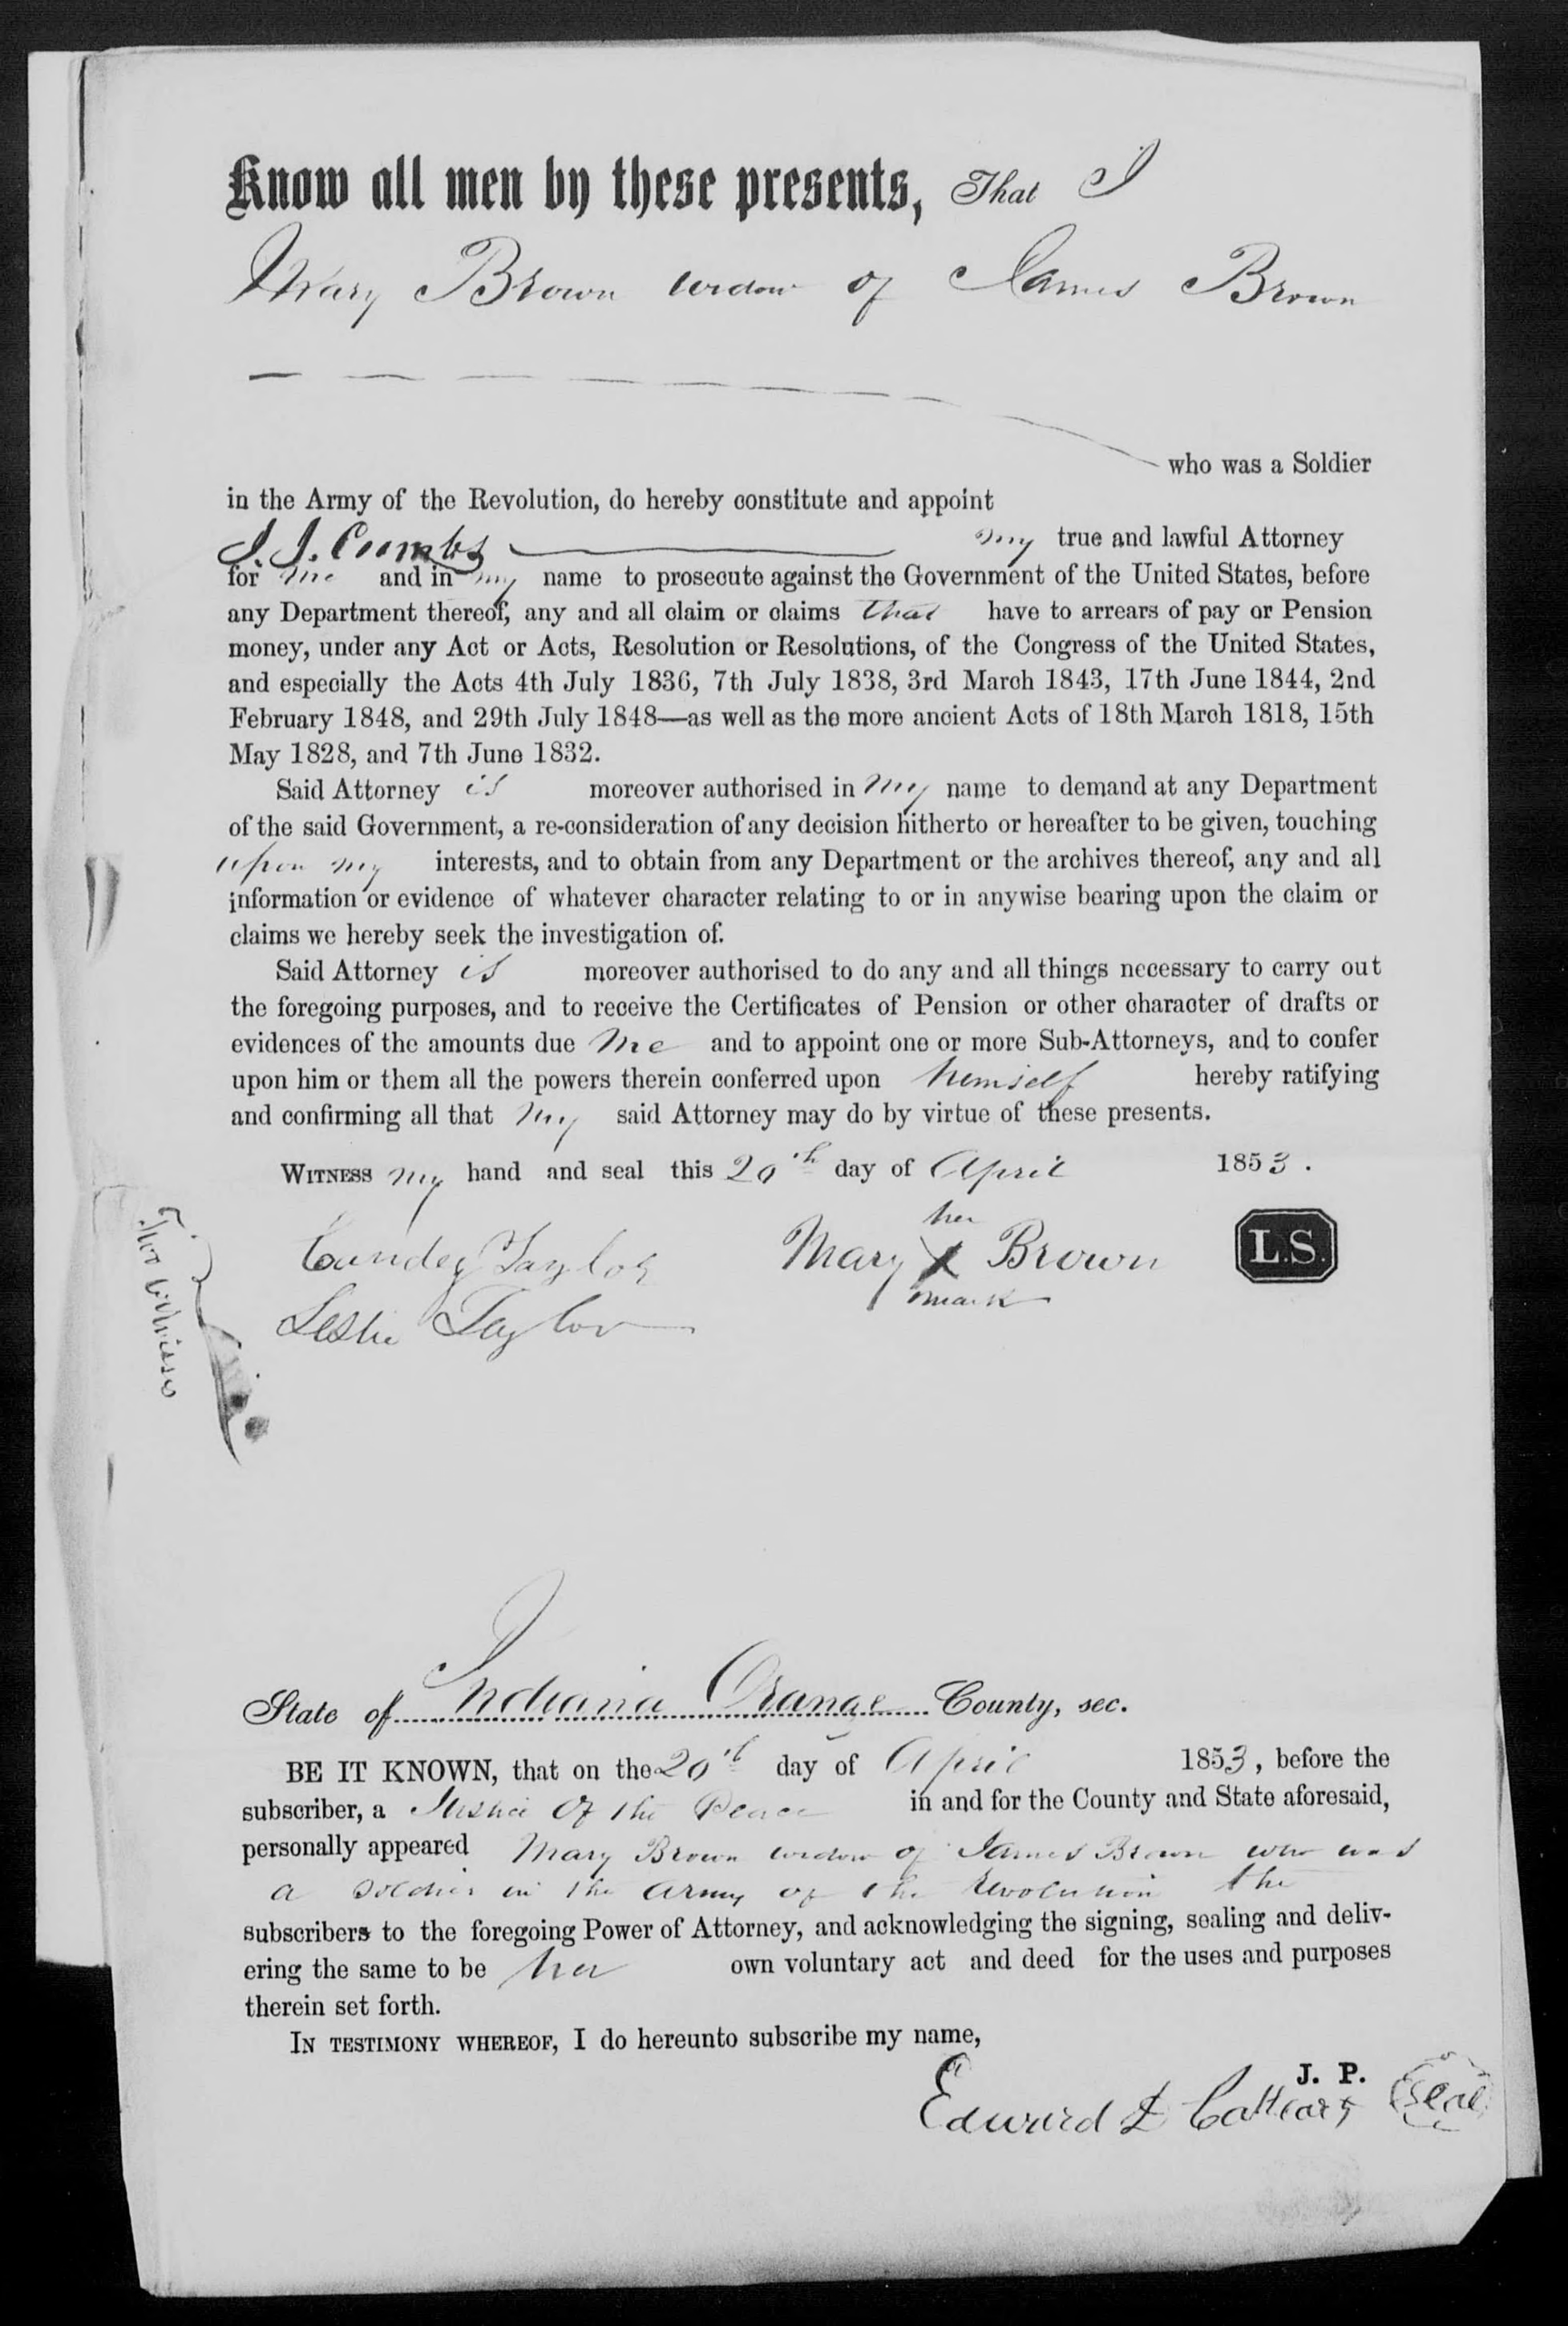Know all men by these presents, That I Mary Brown Widow of James Brown
who was a Soldier
in the Army of the Revolution, do hereby constitute and appoint
JJ. Coombs my true and lawful Attorney for me and in my name to prosecute against the Government of the United States, before any Department thereof, any and all claim or claims that have to arrears of pay or Pension money, under any Act or Acts, Resolution or Resolutions, of the Congress of the United States,
especially the Acts 4th July 1836, 7th July 1838, 3rd March 1843, 17th June 1844, 2nd February 1848, and 29th July 1848 -- as well as the more ancient Acts of 18th March 1818, 15th May 1828, and 7th June 1832.
Said Attorney is moreover authorised in my name to demand at any Department of the said Government, a re-consideration of any decision hitherto or hereafter to be given, touching upon my interests, and to obtain from any Department or the archives thereof, any and all information or evidence of whatever character relating to or in anywise bearing upon the claim or claims we hereby seek the investigation of
Said Attorney is moreover authorised to do any and all things necessary to carry out foregoing purposes, and to receive the Certificates of Pension or other character of drafts or evidences of the amounts due me and to appoint one or more Sub-Attorneys, and to confer on him or them all the powers therein conferred upon himself hereby ratifying and confirming all that my said Attorney may do by virtue of these presents.
WITNESS my hand and seal this 20th day of April 1853
Mary Brown X her mark
Two witnesses s/ Candey Taylor
Leslie Taylor

State of Indiana Orange County,
BE IT KNOWN, that on the 20th day of April 1853, before the subscriber, a Justice of the Peace in and for the County and State aforesaid,
personally appeared Mary Brown widow of James Brown who was a
soldier in the Army of the Revolution
the subscribers to the foregoing Power of Attorney, and  cknowledging the signing, sealing and delivering
the same to be her own voluntary act and deed for the uses and purposes
therein set forth. IN TESTIMONY WHEREOF, I do hereunto subscribe my name, s/ Edward D Cathart JP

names: Mary Brown, Candey Taylor, Mary Brown, Edward D Cathcart, J J Coombs, James Brown, James Brown, Leslie Taylor, Mary Brown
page: 31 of 41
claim: rejected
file: R. 1309, James Brown, S.C.